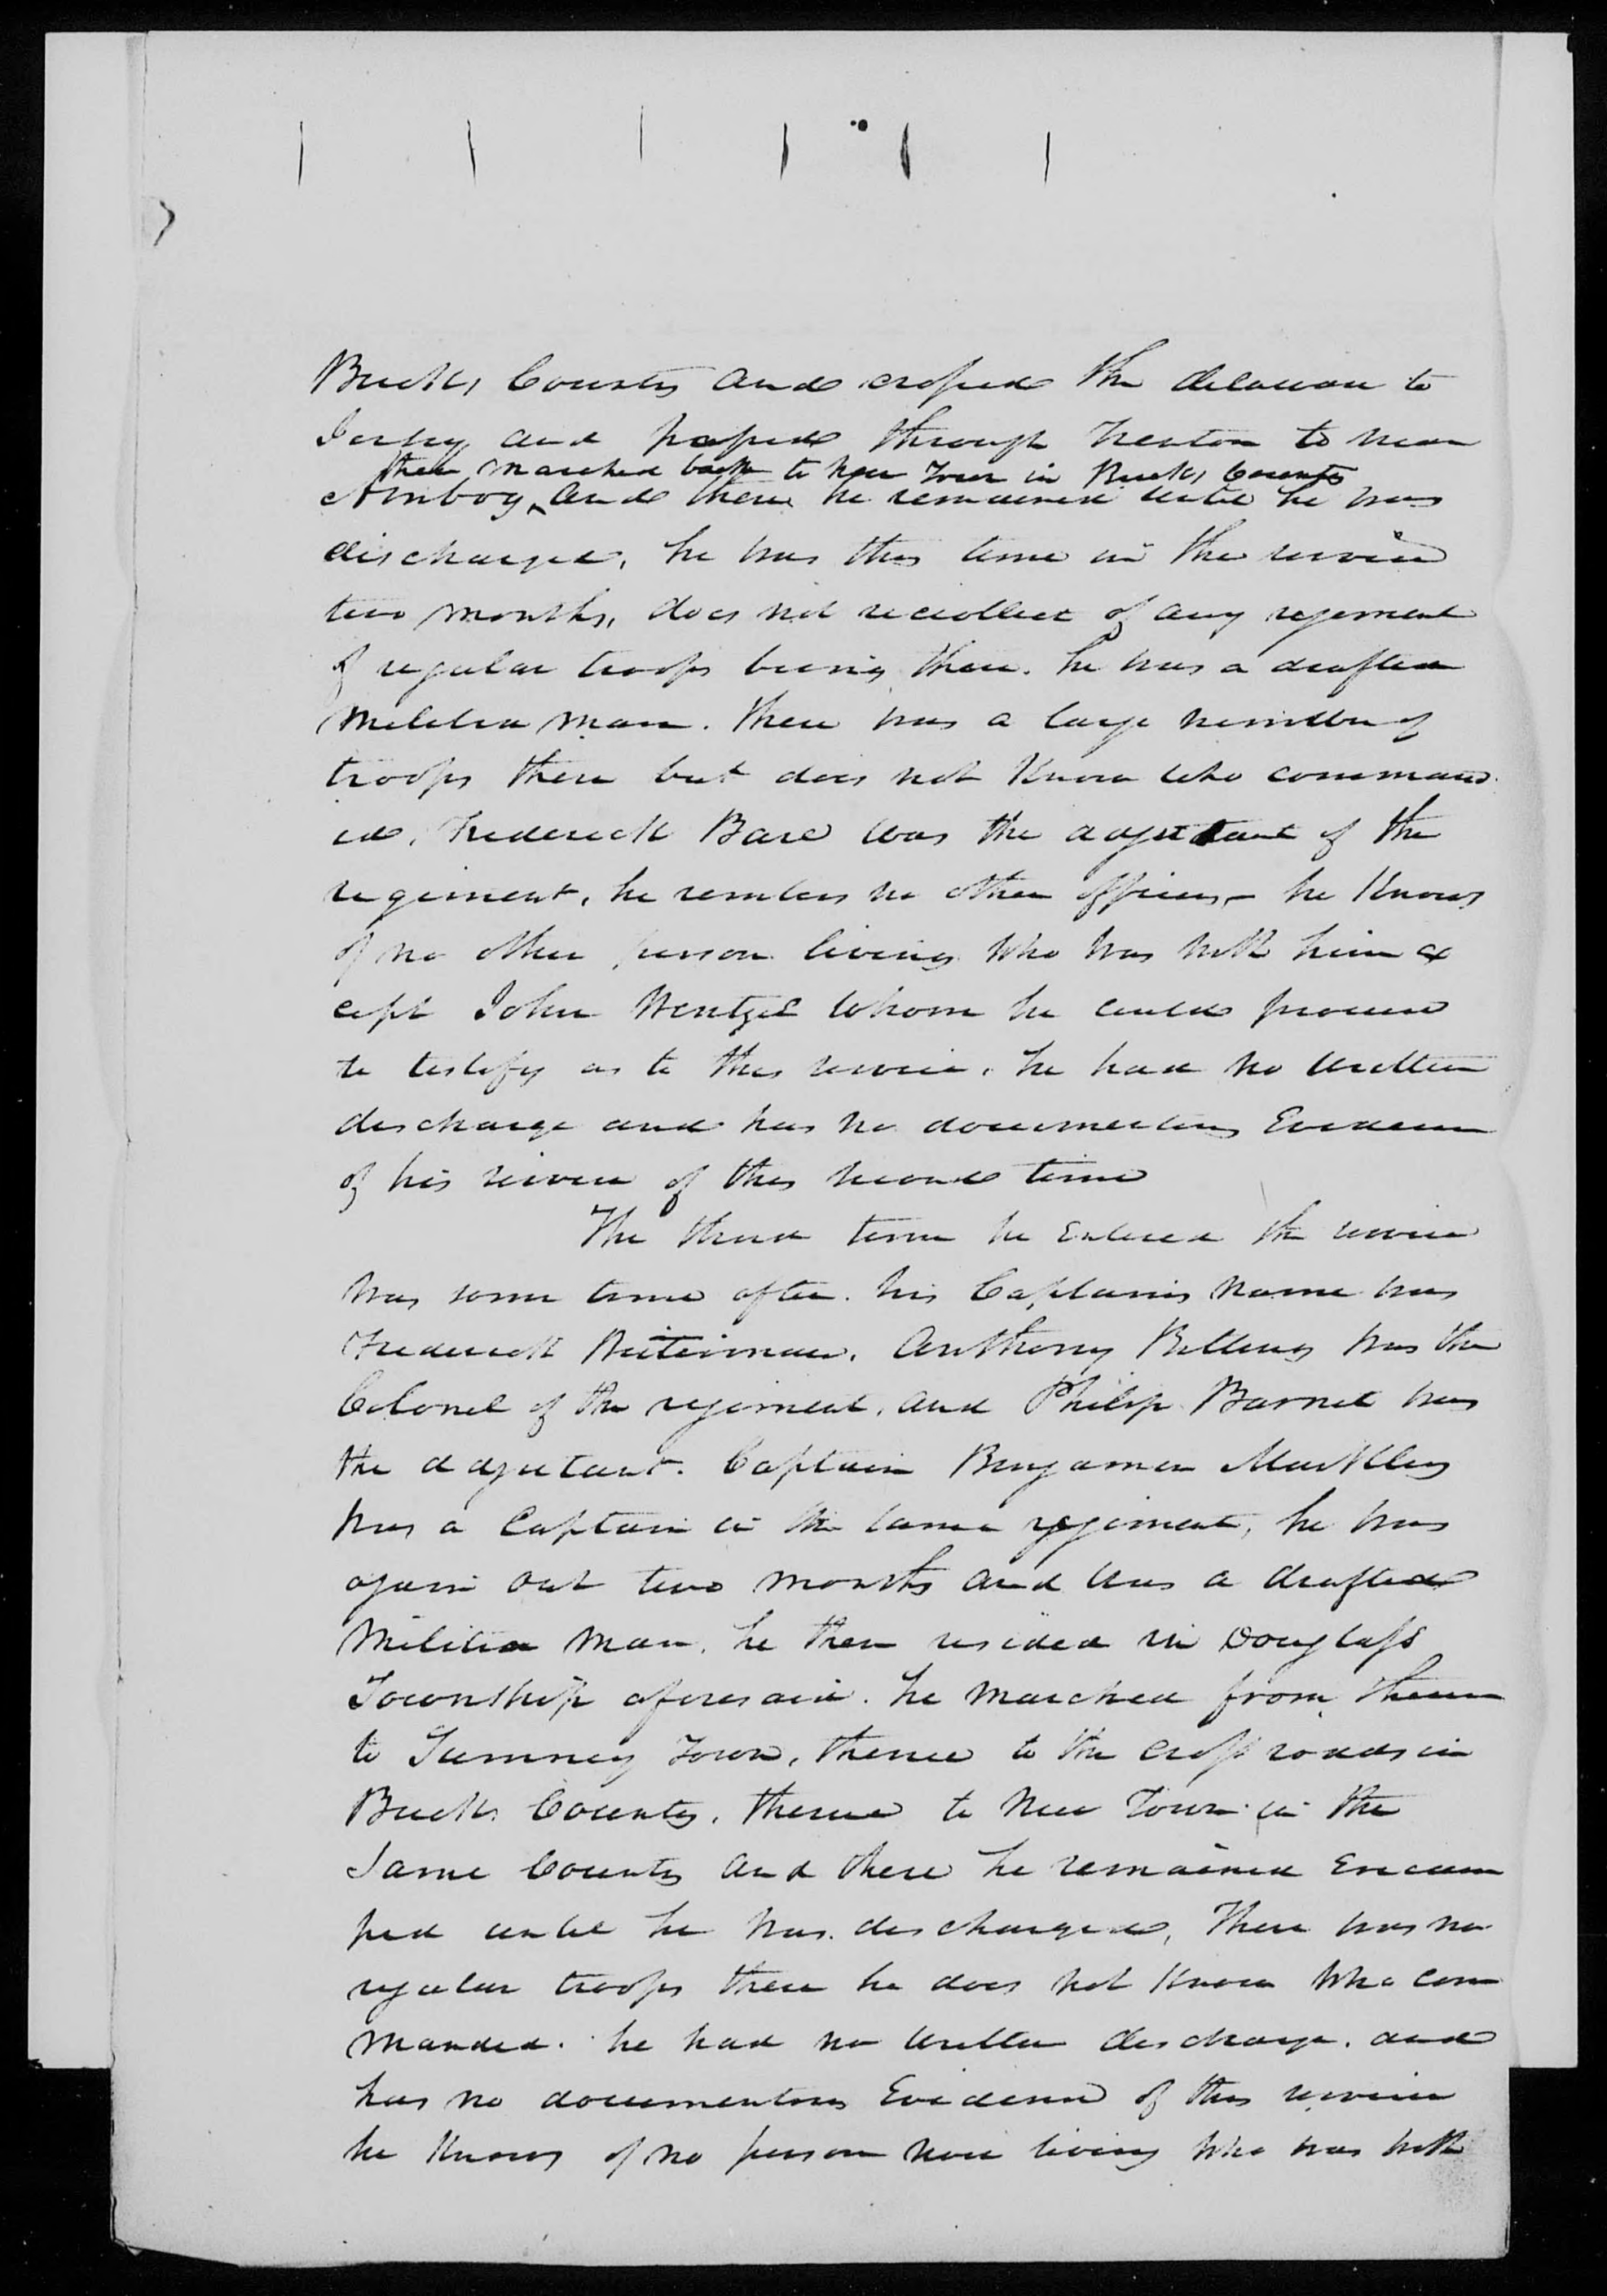Bucks County and crossed the delaware to
Jersey, and passed through Trenton to near Amboy ^ (then marched back to New Town [Newtown] in Bucks County) and then he remained until he was discharged, he was this time in the service two months, does not recollect of any regiment of regular troops being there. he has a drafted Militia man. there was a large number of troops there but does not know who commanded. Frederick Bare was the assistant of the regiment, he remembers no other officers he knows of no other person living who was with him & capt John Wentzel whom he could procure to testify as to this service. he had no written discharge and has no documenting evidence of his service of this second time
The third term he entered the service
was some time after. his Captains name was
Frederick Beiteman, Anthony Bitting was the Colonel of the regiment, and Philip Barnet was the Adjutant. Captain Benjamin Markley
was a captain in the same regiment, he was
again out two months and was a drafted
Militia man. he then resided in Douglass
Township aforesaid. he marched from there
to Sumney Town, thence to the crop roads in
Bucks County, thence to New Town [Newtown] in the same County and there he remained 
encamped until he was discharged. There was no regular troops there he does not know who commanded, he had no written discharge, and
has no documentary evidence of this service
he knows of no person now living who was with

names: Philip Barnet, Frederick Base, Frederick Beiteiman, Anthony Betting, Benjamin Markley, John Wentzel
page: 6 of 29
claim: survivor's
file: S. 23618, Philip Emerick, Penn.